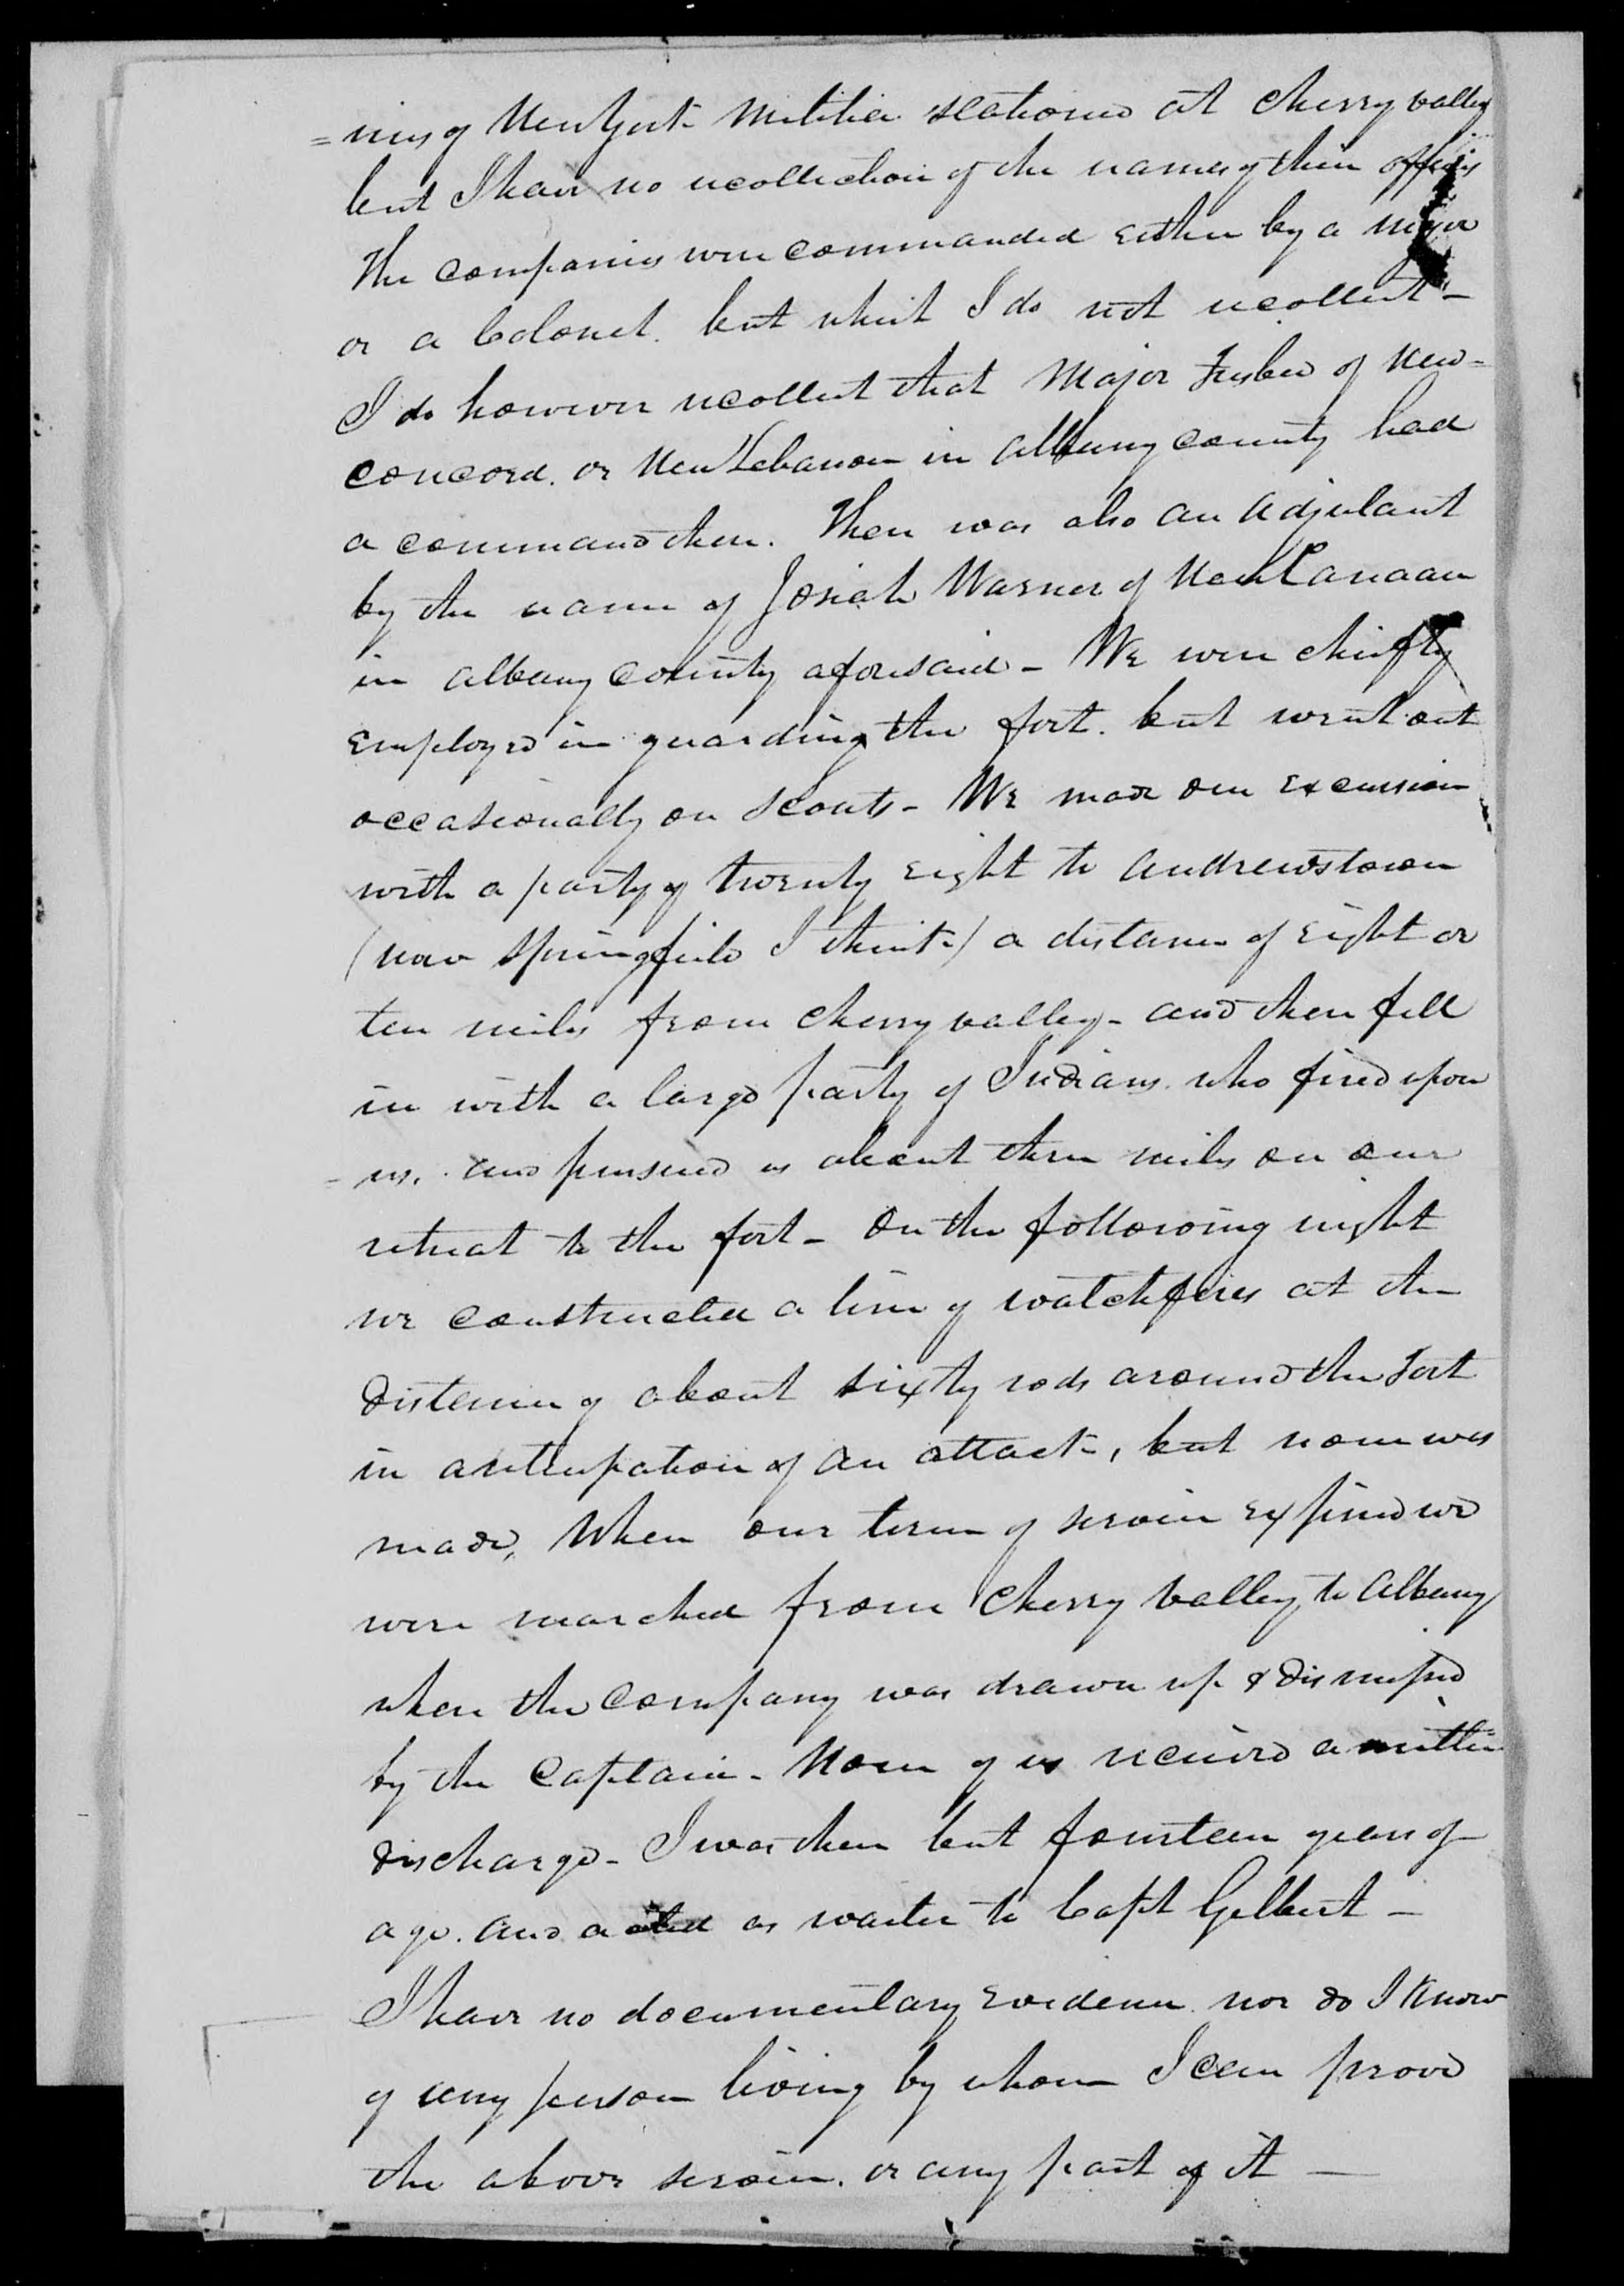of New York Militia Stationed at Cherry Valley
but I have no recollection of the names of their officers.  The companies were commanded either by a major or a colonel but which I do not recollect - I do however recollect that Major Frisbee of New Concord, or New Lebanon in Albany County had a command then.  There was also an Adjutant by the name of Josiah Warner of New Canaan in Albany County aforesaid. We were chiefly employed in guarding the fort but went out occasionally on scouts. We made our excursion with a party of twenty eight to Andrewstown (now Springfield I think) a distance of eight or ten miles from Cherry Valley - and then fell in with a large party of Indians, who fired upon us, and pursued us about three miles on our
retreat to the fort. On the following night
we constructed a line of watch fires at the
distance of about sixty rods around the Fort
in anticipation of an attack, but none was
made.  When our term of service expired we
were marched from Cherry Valley to Albany
where the company was drawn up & dismissed
by the Captain.  None of us received a written
discharge - I was then but fourteen years of
age and acted as waiter to Capt Gilbert.
I have no documentary evidence nor do I know
of any person living by whom I can prove
the above service or any part of it. -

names: [BLANK] Moses; [BLANK] Gilbert; Josiah Warner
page: 4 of 23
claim: survivor's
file: S. 14,229, for Robert Pratt, New York